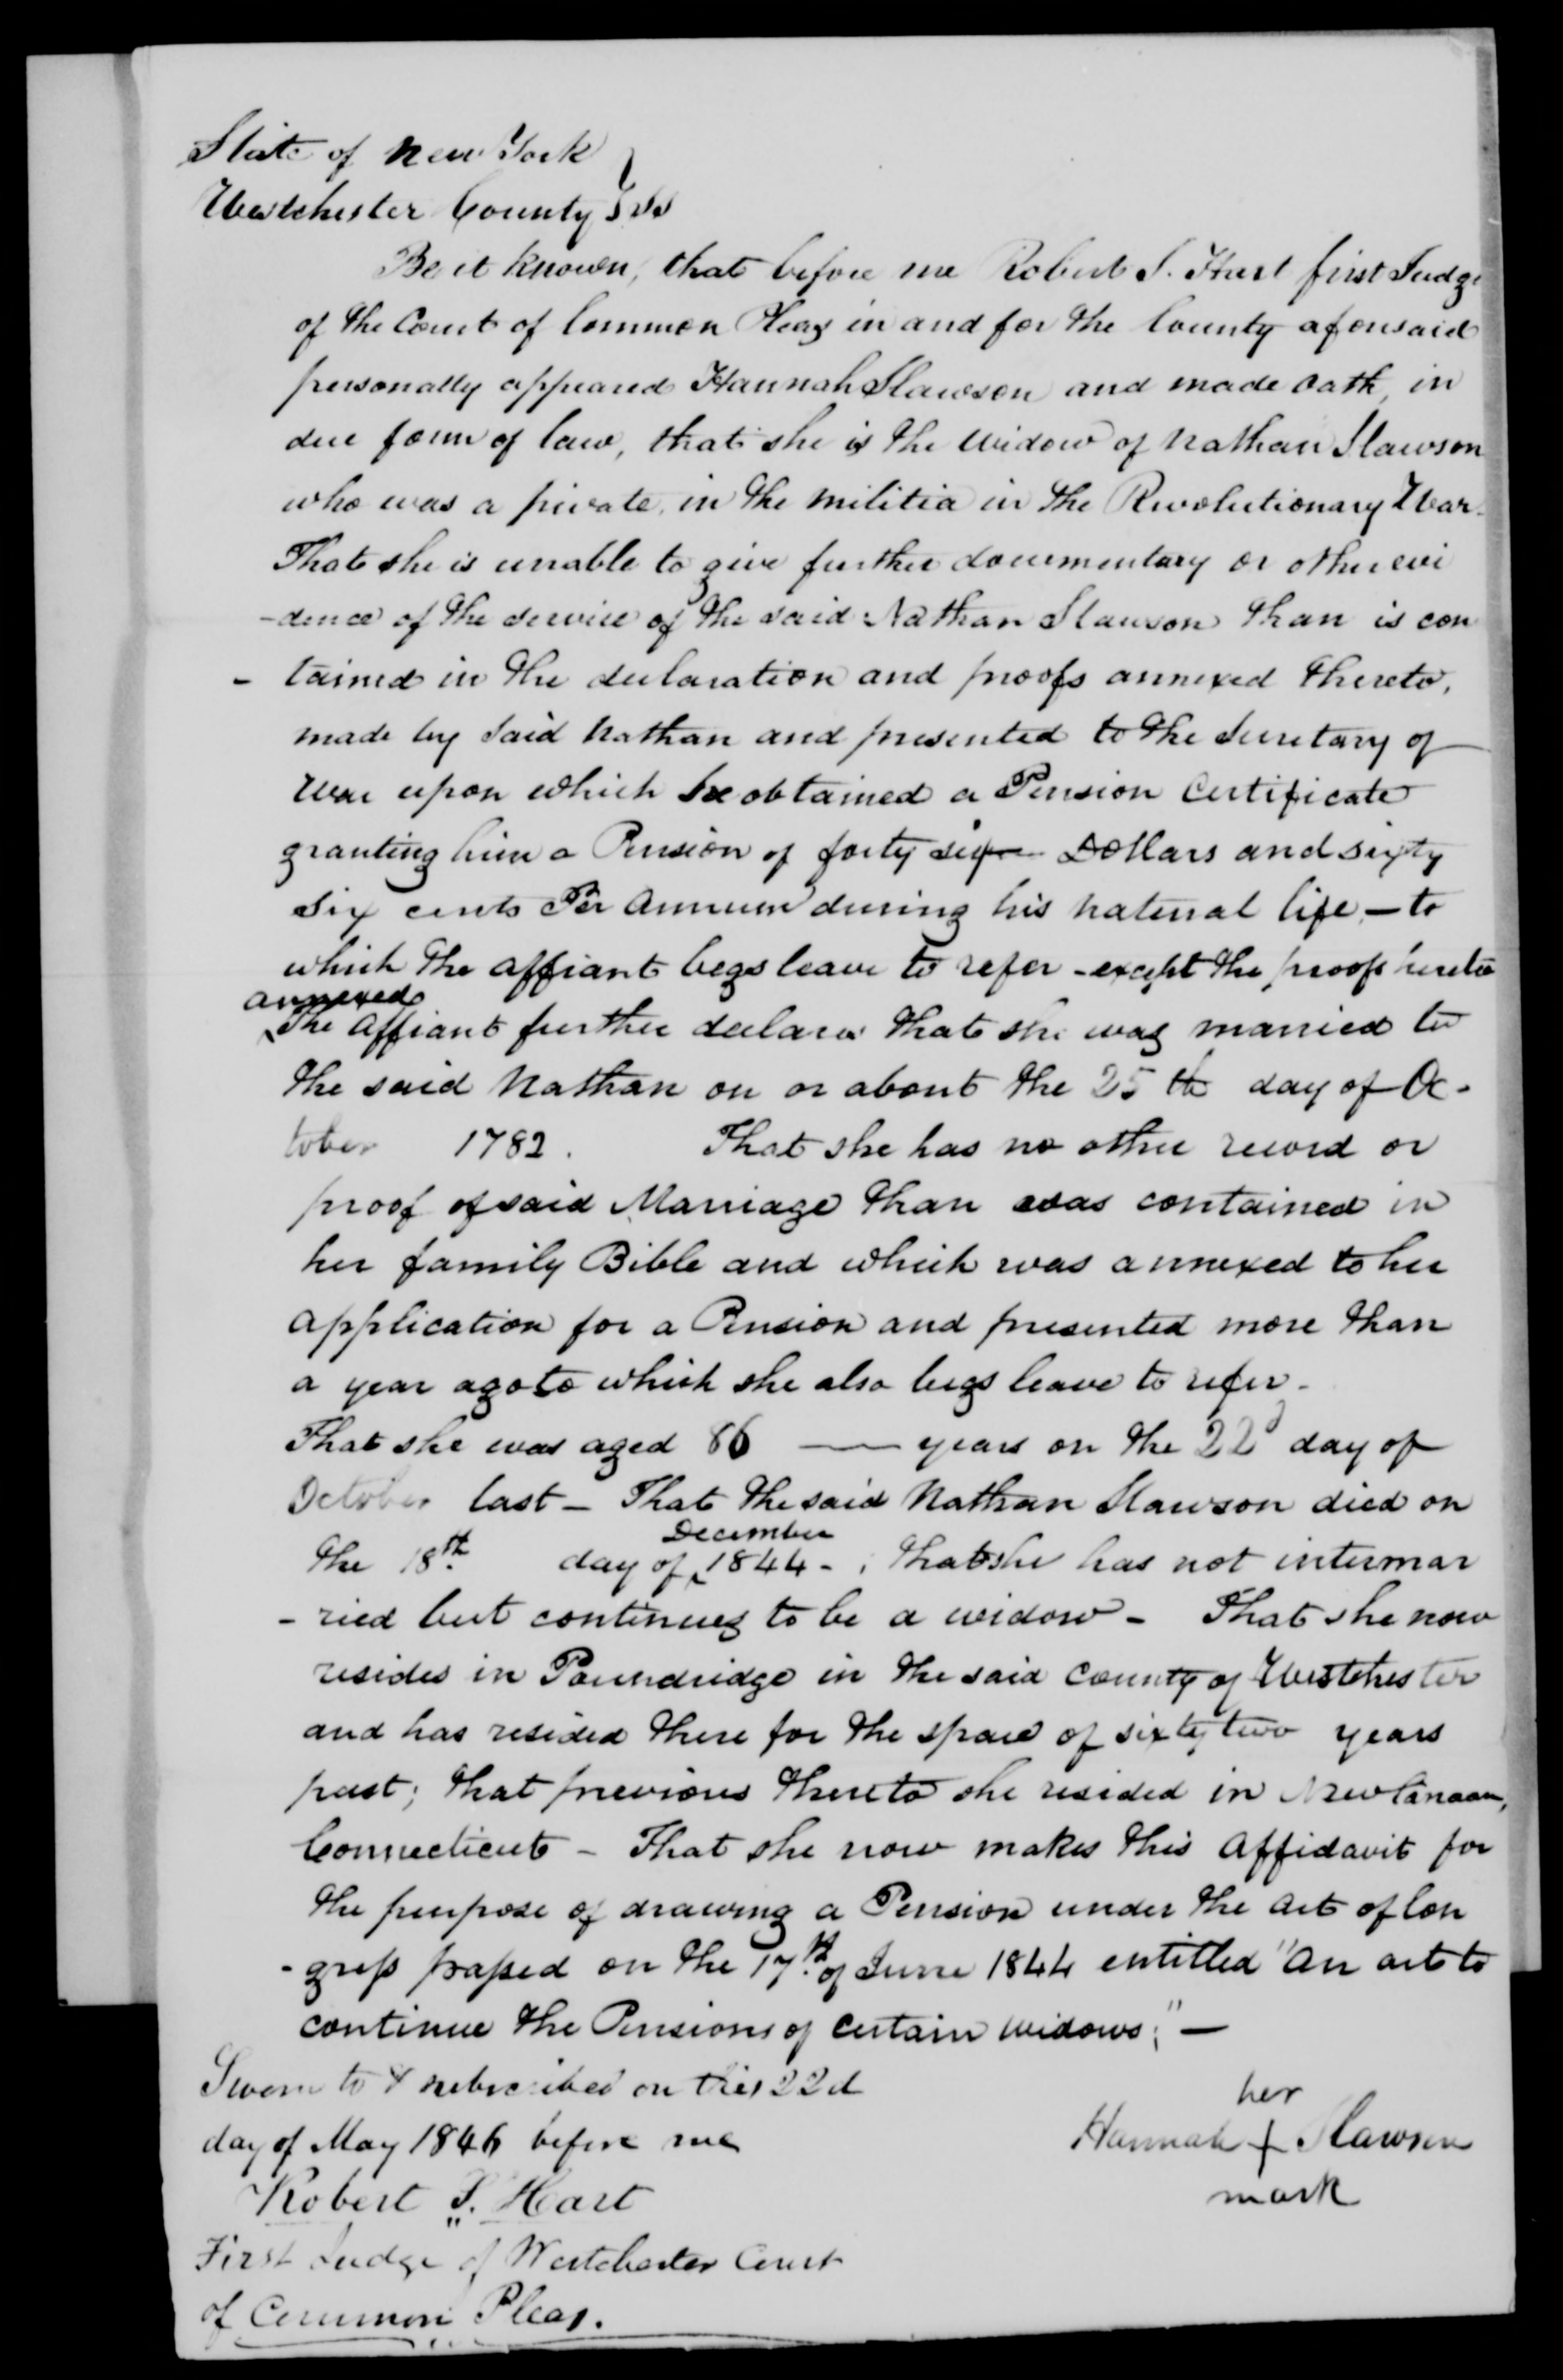State of New York 
Westchester County } ss 
Be it known, that before me Robert S. Hart first Judge of the Court of Common Pleas in and for the County aforesaid personally appeared Hannah Slawson and made oath, in due form of law, that she is the widow of Nathan Slawson who was a private in the militia in the Revolutionary War. That she is unable to give further documentary or other evidence of the service of the said Nathan Slawson than is contained in the declaration and proofs annexed thereto, made by said Nathan and presented to the Secretary of war upon which he obtained a Pension Certificate granting him a pension of forty six Dollars and sixty six cents per annum during his natural life, to which the affiant begs leave to refer except the proof hereto annexed.  The affiant further declares that she was married to the said Nathan on or about the 25th day of October 1782.   That she has no other record or proof of said Marriage than was contained in her family Bible and which was annexed to her application for a Pension and presented more than a year ago to which she also begs leave to refer.  
That she was aged 86 years on the 22d day of October last.   That the said Nathan Slawson died on December the 18th day of 1844. That she has not intermarried but continues to be a widow. That she now resides in Poundridge in the said County of Westchester and has resided there for the space of sixty two years past; that previous thereto she resided in New Canaan Connecticut.  
That she now makes this affidavit for the purpose of drawing a Pension under the act of Congress passed on the 17th of June 1844 entitled "an act to continue the Pensions of certain widows” – 
Hannah Slawson her mark
Sworn to & subscribed on this 22d day of May 1846 before me 
Robert S. Hart First Judge of Westchester Court of Common Pleas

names: Nathan [BLANK]; Nathan Slawson; Robert S Hart; Nathan Slawson; Robert S Hart; Hannah Slawson; Nathan Slawson; Hannah Slawson; Nathan [BLANK]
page: 80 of 87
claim: widow's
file: W. 22,226, for Nathan Slawson, Connecticut